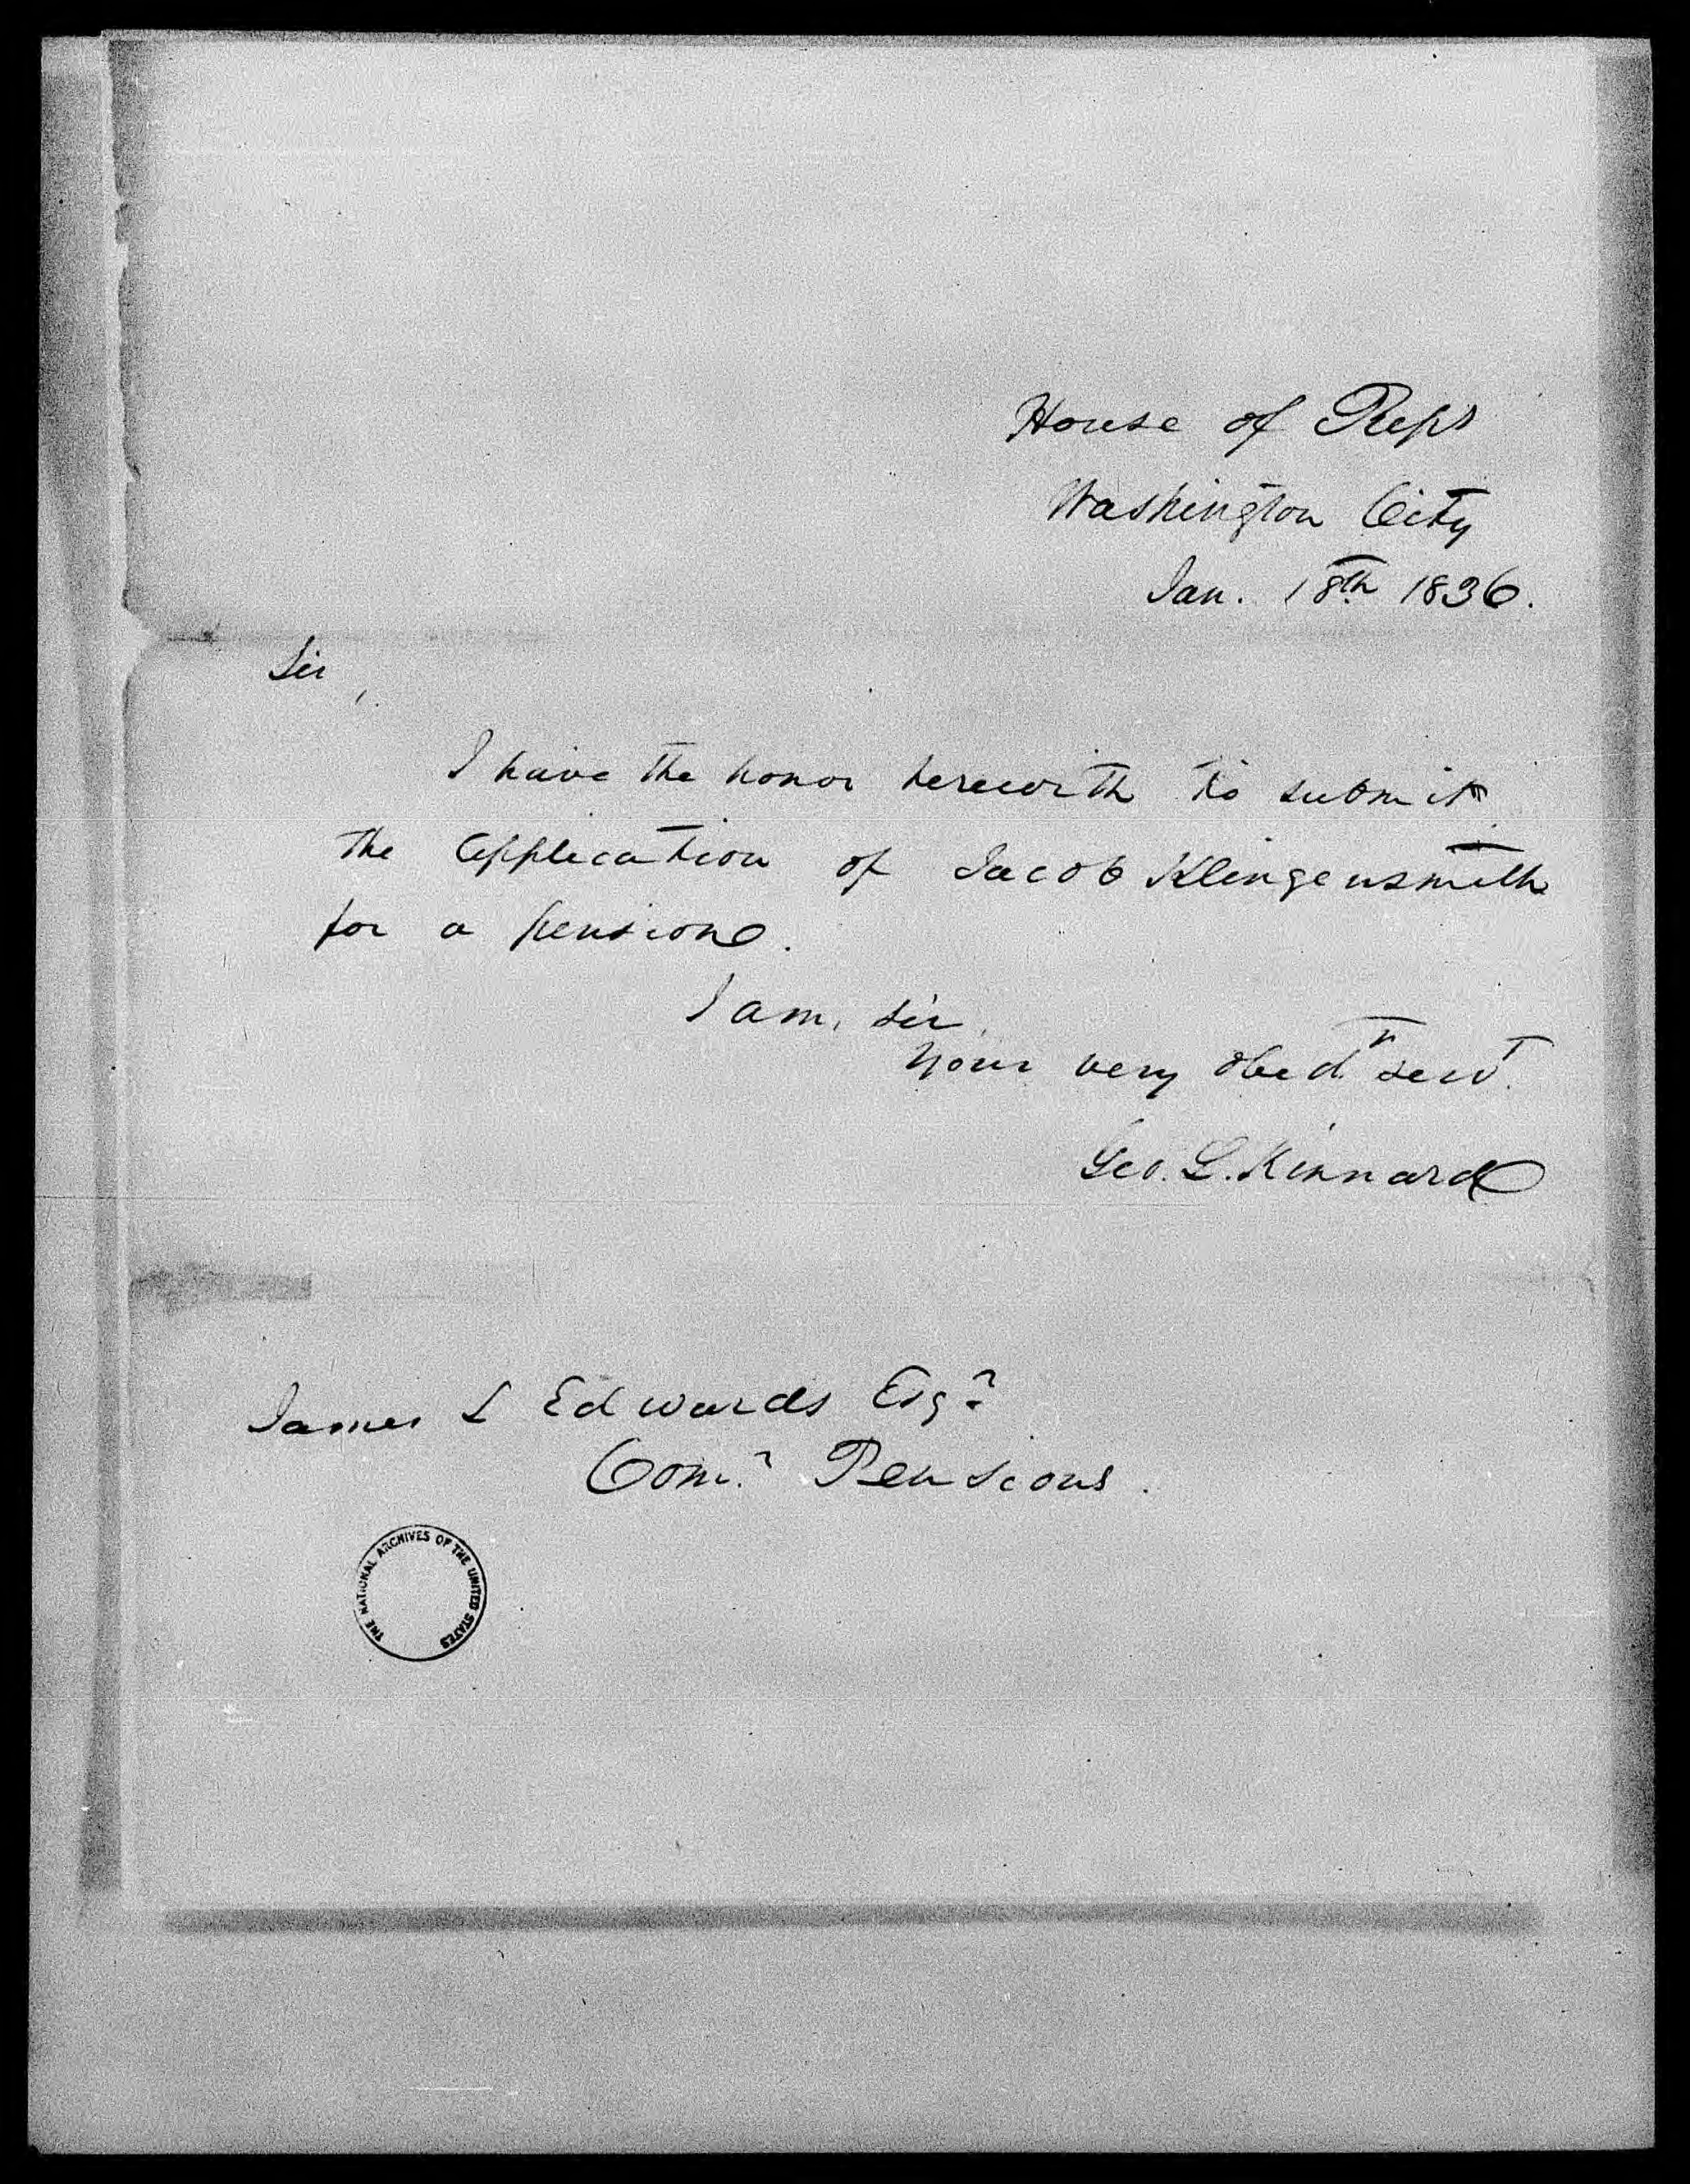House of Reps
                                                  Washington City
                                                   Jan.  18th 1836

Sir,

         I have the honor herewith to submit the application of Jacob Klingensmith
 for a pension.
                     I am, sir, your very obedt servt
                                         Geo. L. Kinnard


James L. Edwards  Esq. 
          Com. Pensions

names: Jacob Klingensmith; James L Edwards; Geo L Kinnard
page: 4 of 14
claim: rejected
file: R. 6005, for Jacob Klinginsmith, Pennsylvania